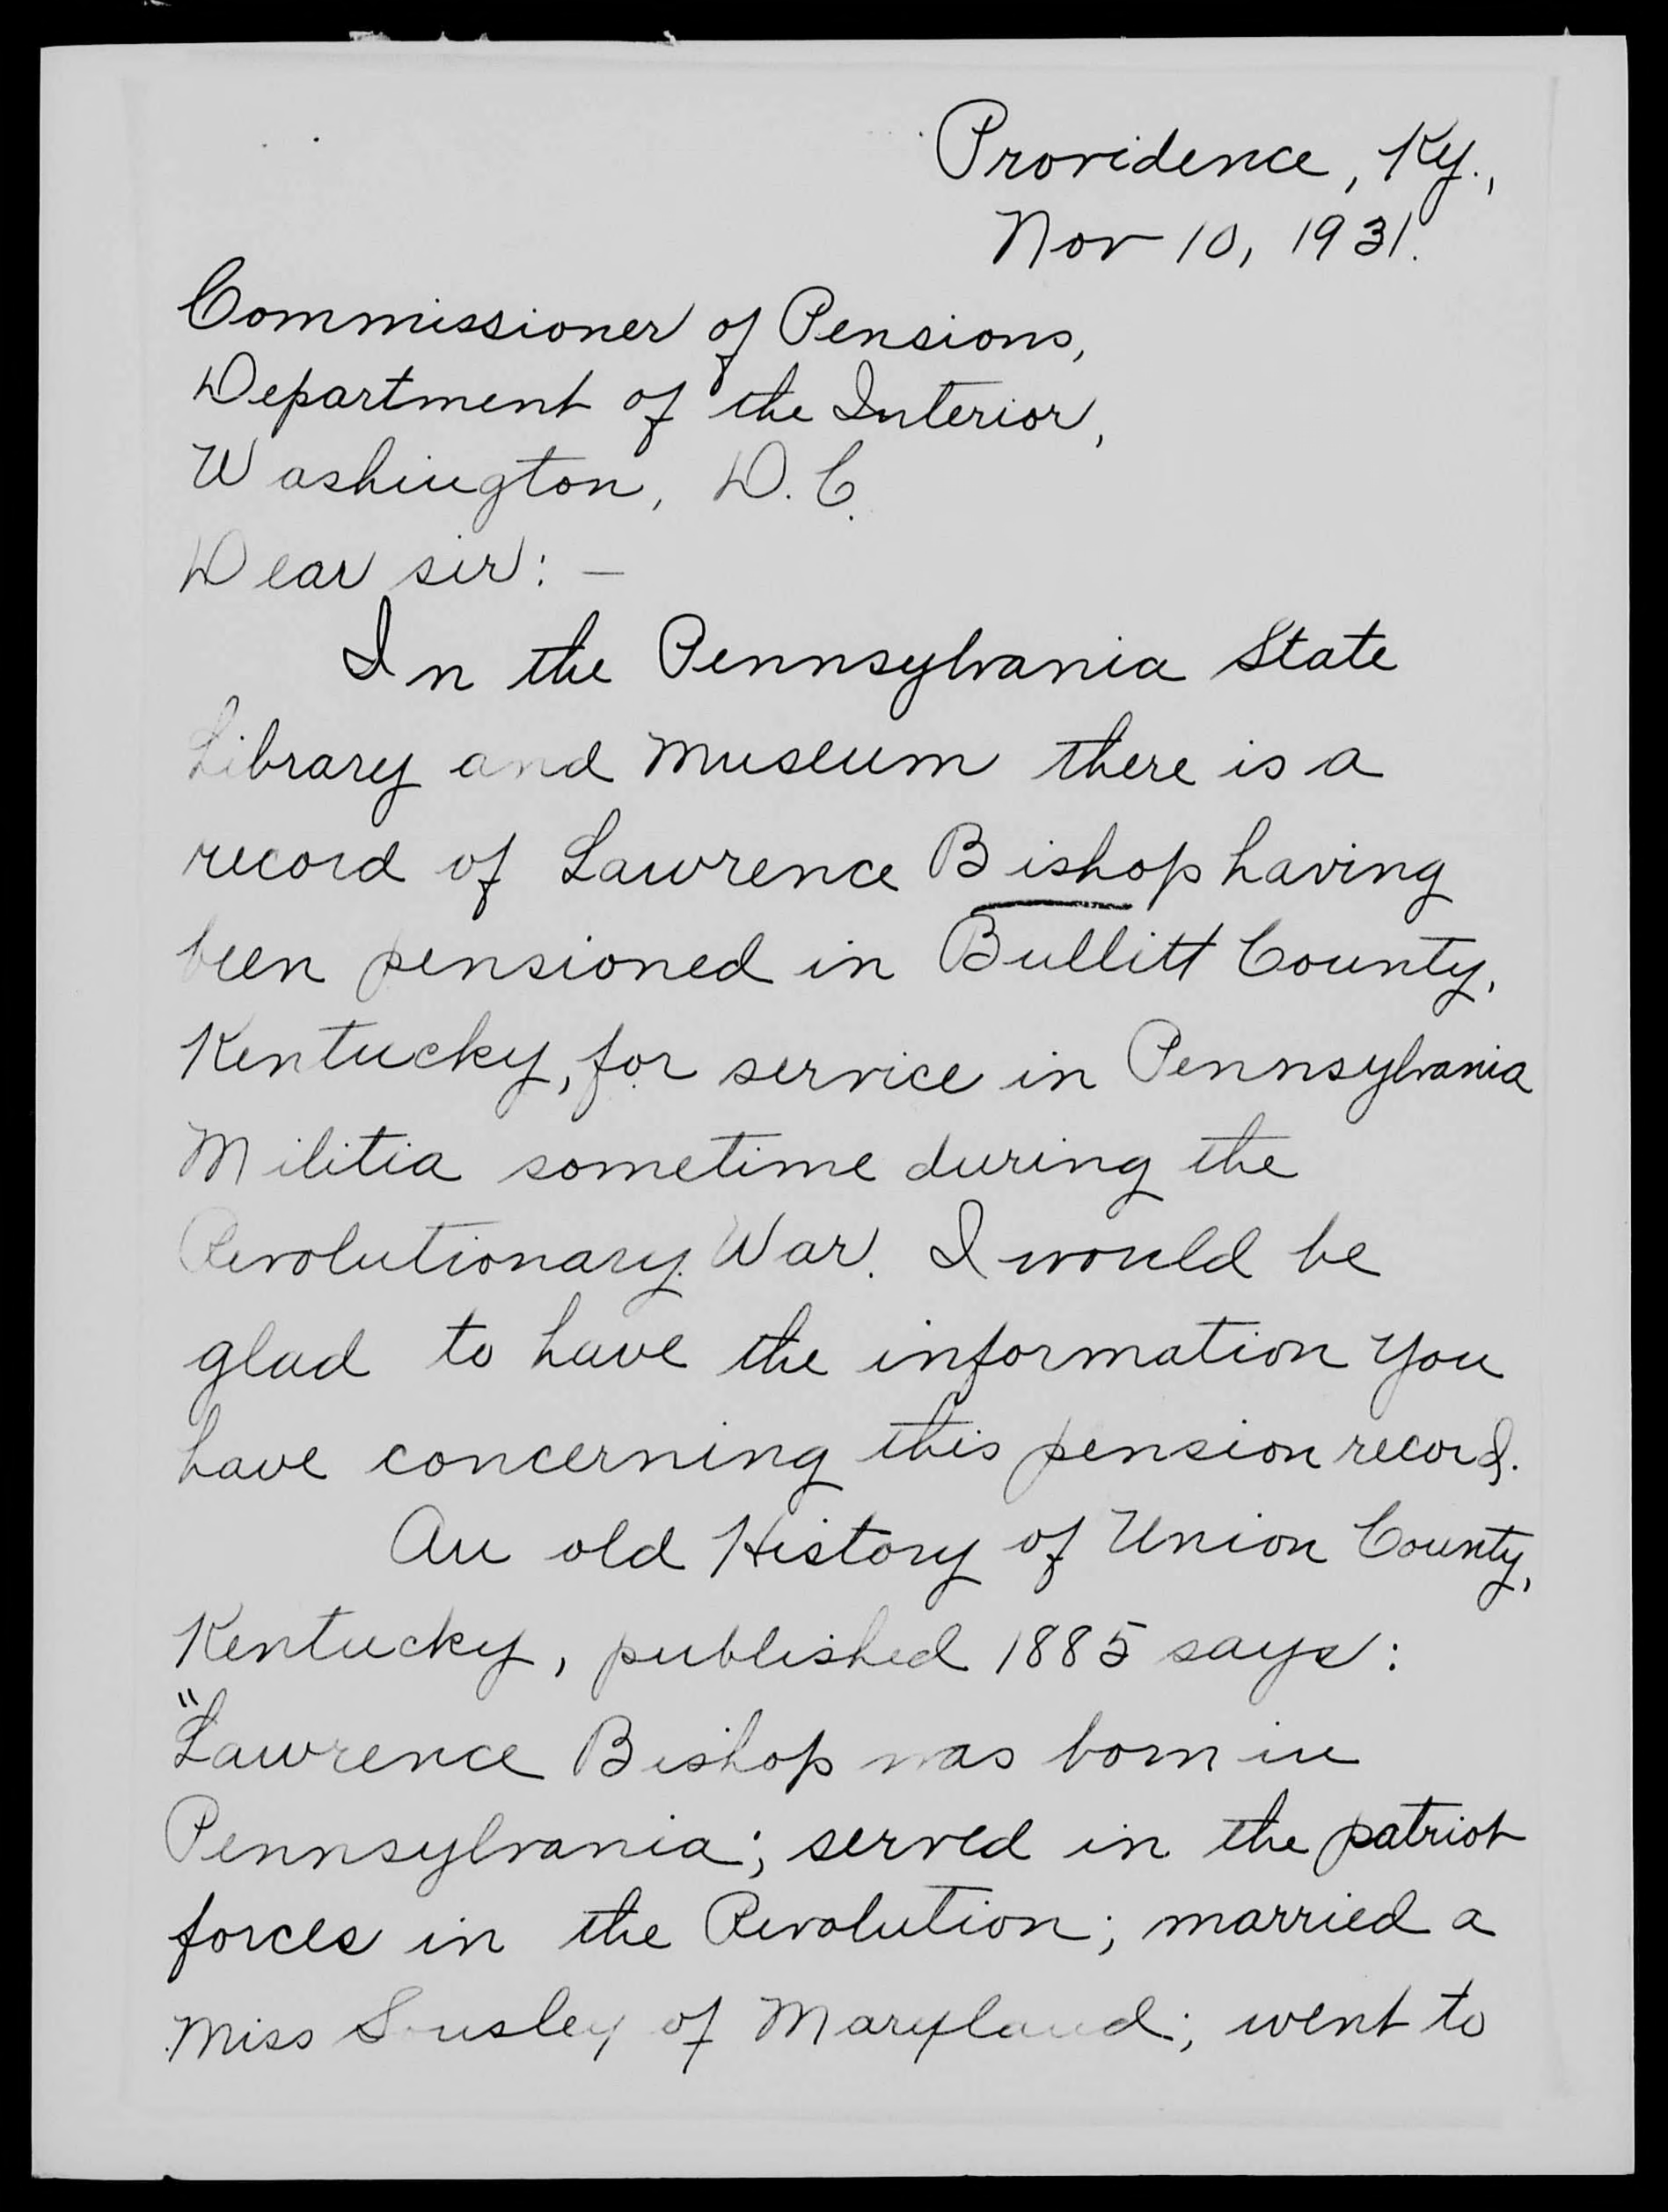Providence, Ky. 
Nov 10, 1931 
Commissioner of Pensions 
Department of the Interior 
Washington, D.C. 
Dear sir: - 
In the Pennsylvania State Library and Museum there is a record of Lawrence Bishop having been pensioned in Bullitt County Kentucky, for service in Pennsylvania Militia sometime during the Revolutionary War. I would be glad to have the information you have concerning this pension record.   
An old History of Union County Kentucky, published 1885 says: Lawrence Bishop was born in Pennsylvania; served in the patriot forces in the Revolution, married a Miss Sousley of Maryland; went to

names: Lawrence Bishop, Lawrence Bishop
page: 18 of 26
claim: survivor's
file: S.1,166, Lawrence Bishop, Penn.